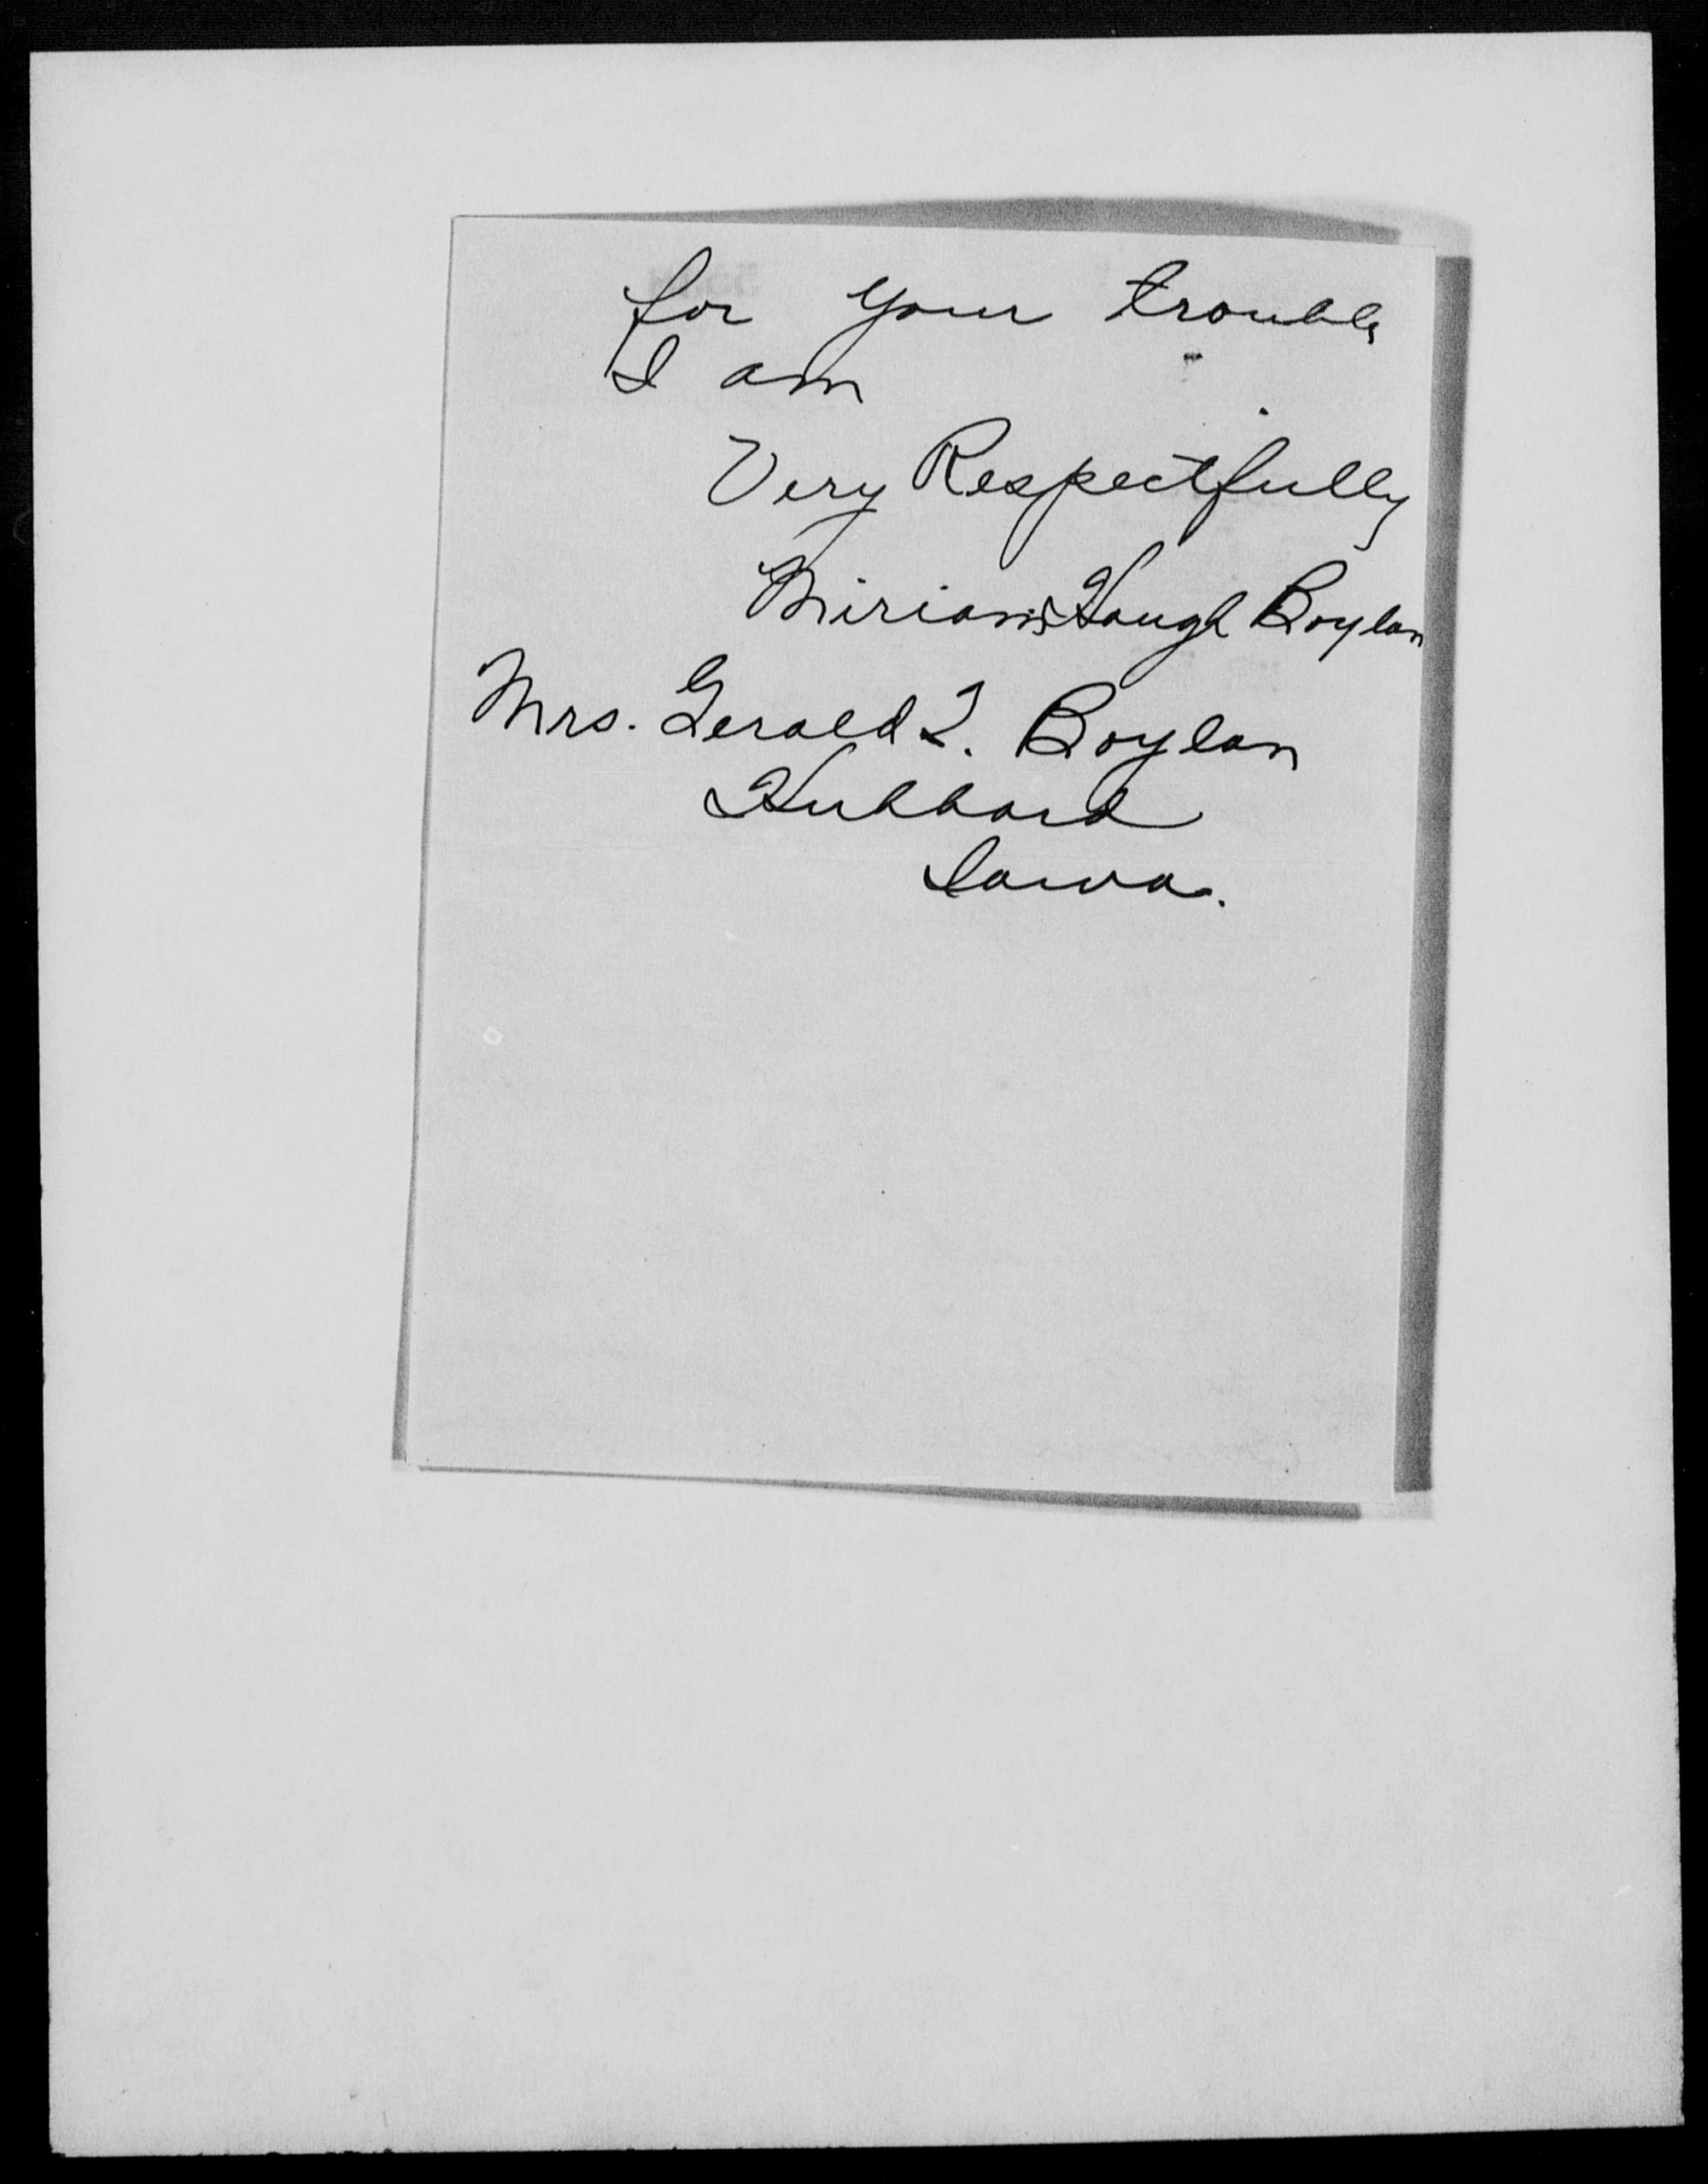for your trouble. 

I am 
Very Respectfully
Miriam Haugh Boylan
Mrs. Gerald L. Boylan
Hubbard, Iowa.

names: Gerald T Boylan, Miriam Haugh Boylan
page: 23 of 34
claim: survivor's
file: S. 12581, Joshua Corbin, Mass.